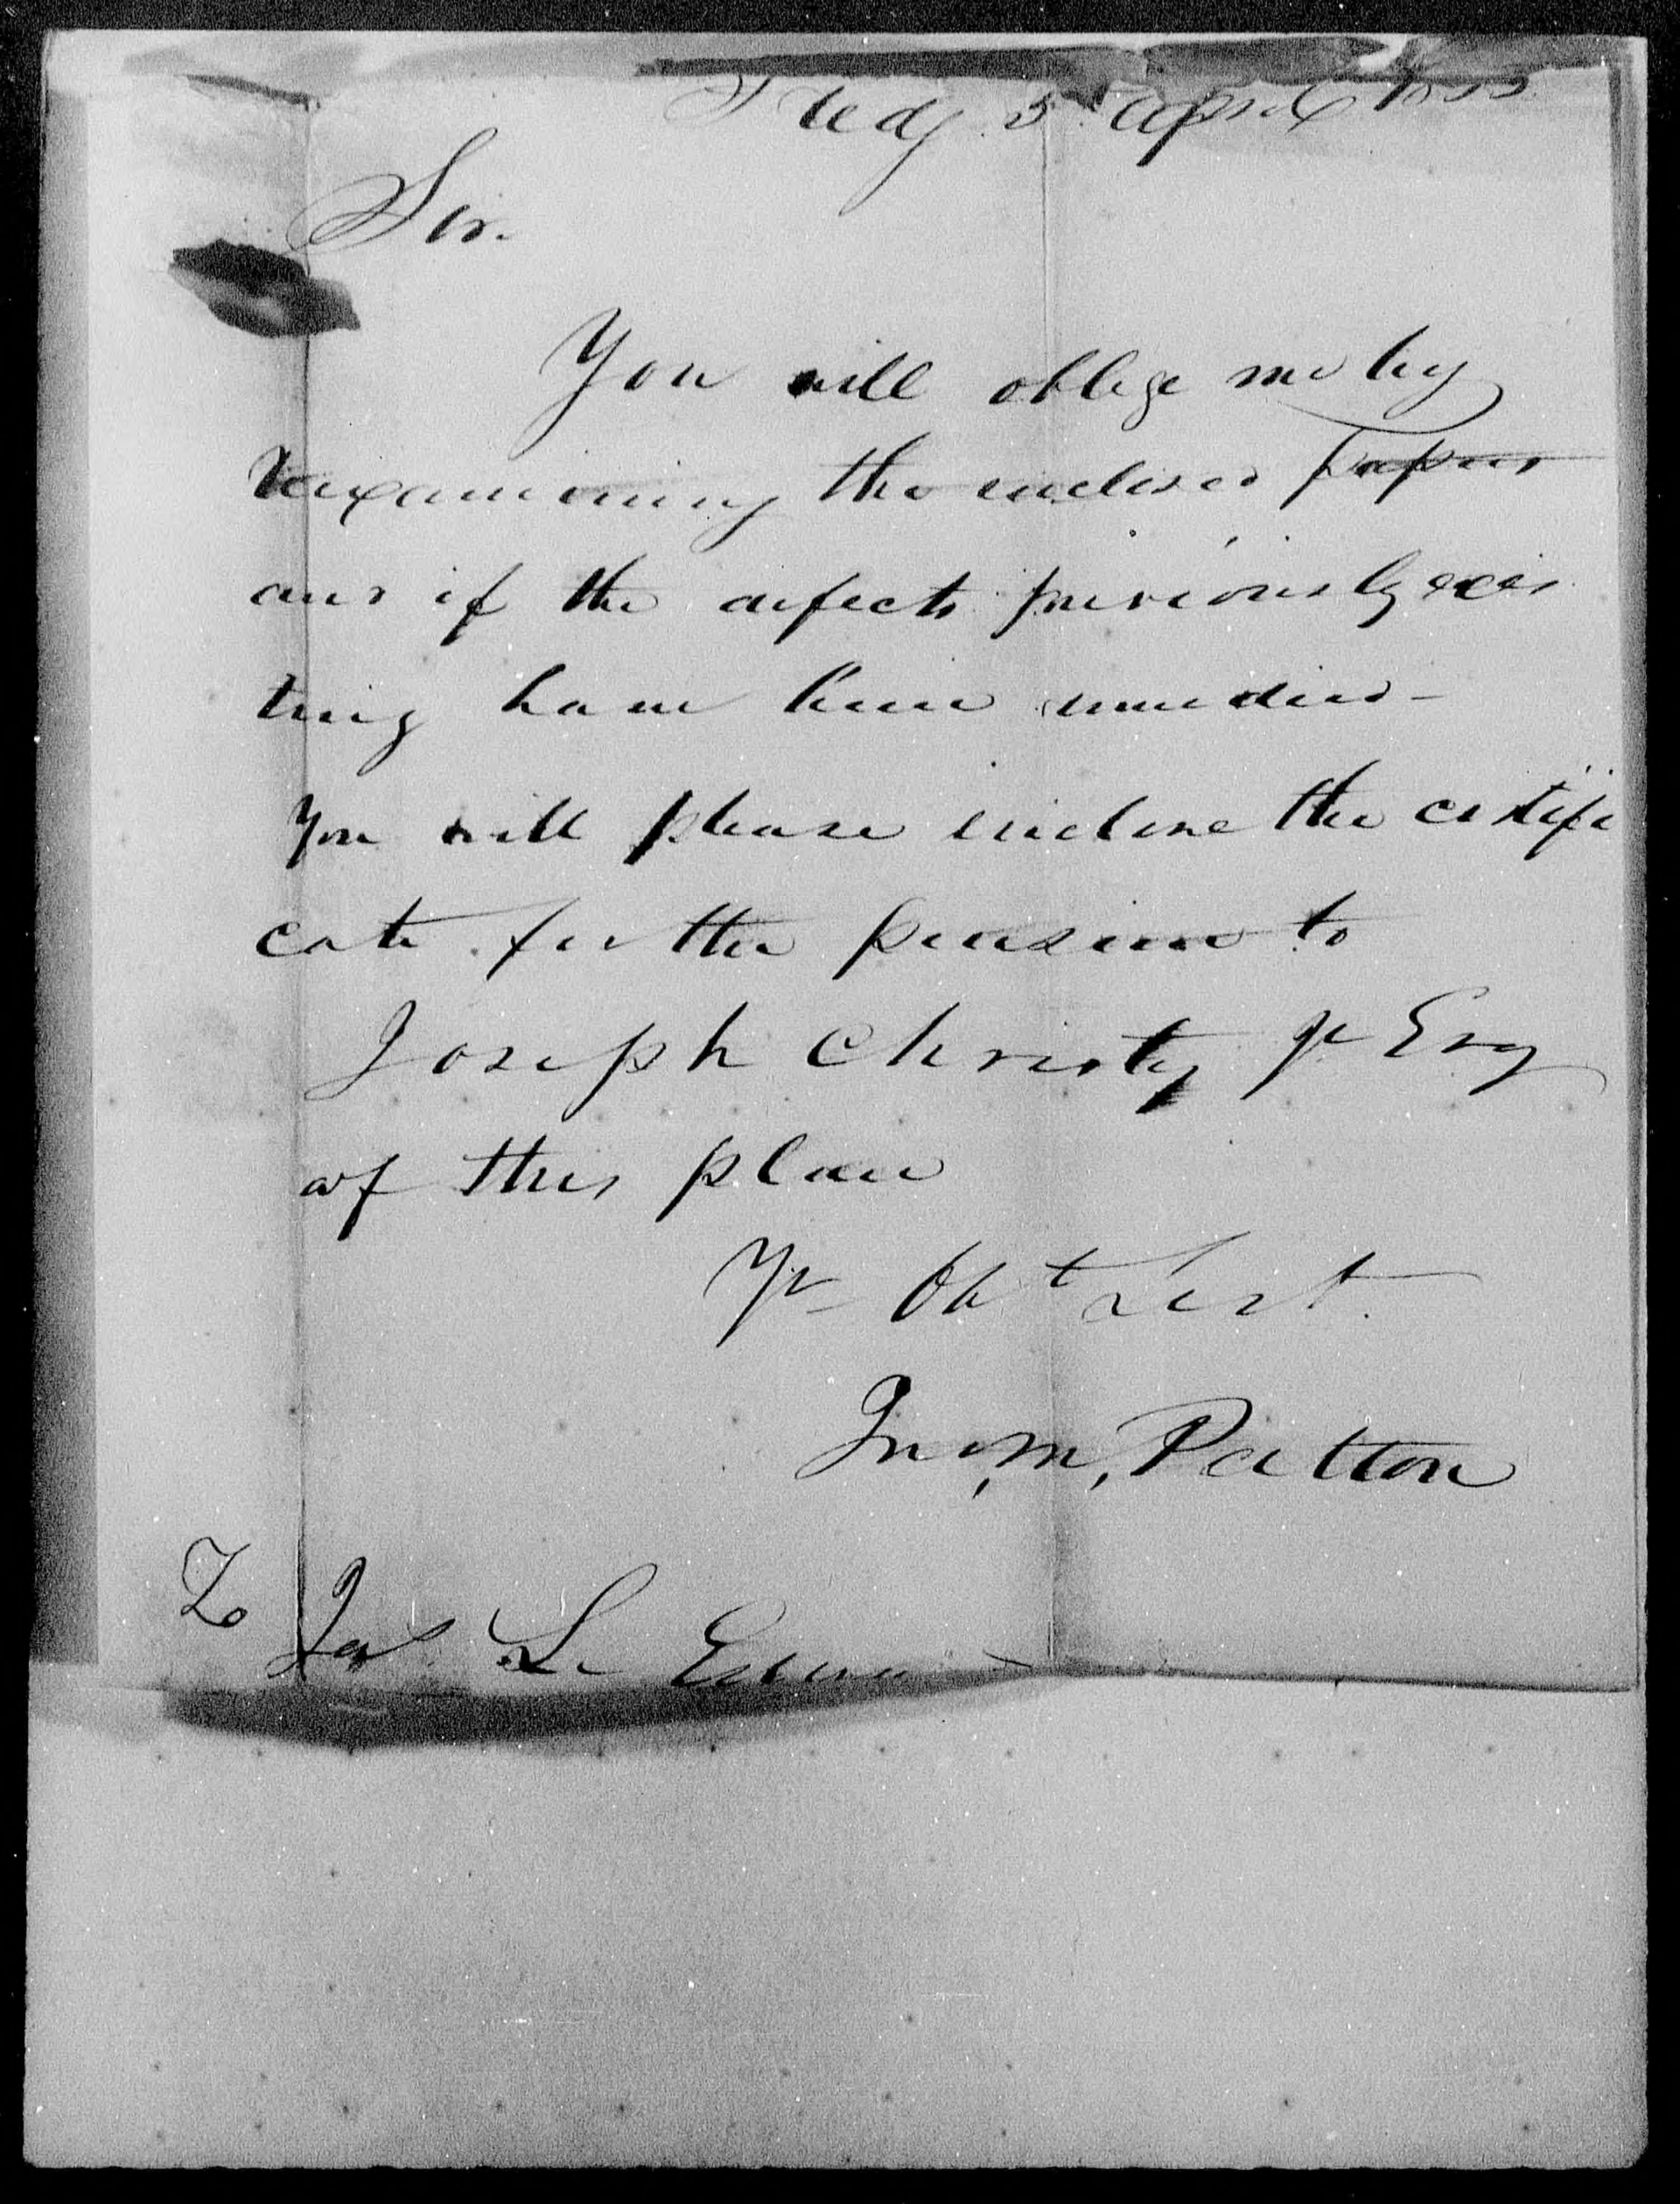[?] 5 April 1835

Sir.
You will oblige me by examining the enclosed paper and if the aitecto previously ex[?]trang
have been died.
You will please enclose the certificate for the pension to Joseph Christy jr Esq of this place 

Yr obt serv
[?] Patton 

To Jas L. Edwards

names: Joseph Christy, Jno M Patton, Jas L Edwards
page: 16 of 27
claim: survivor's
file: S. 1747, Enoch Breeden, Va.